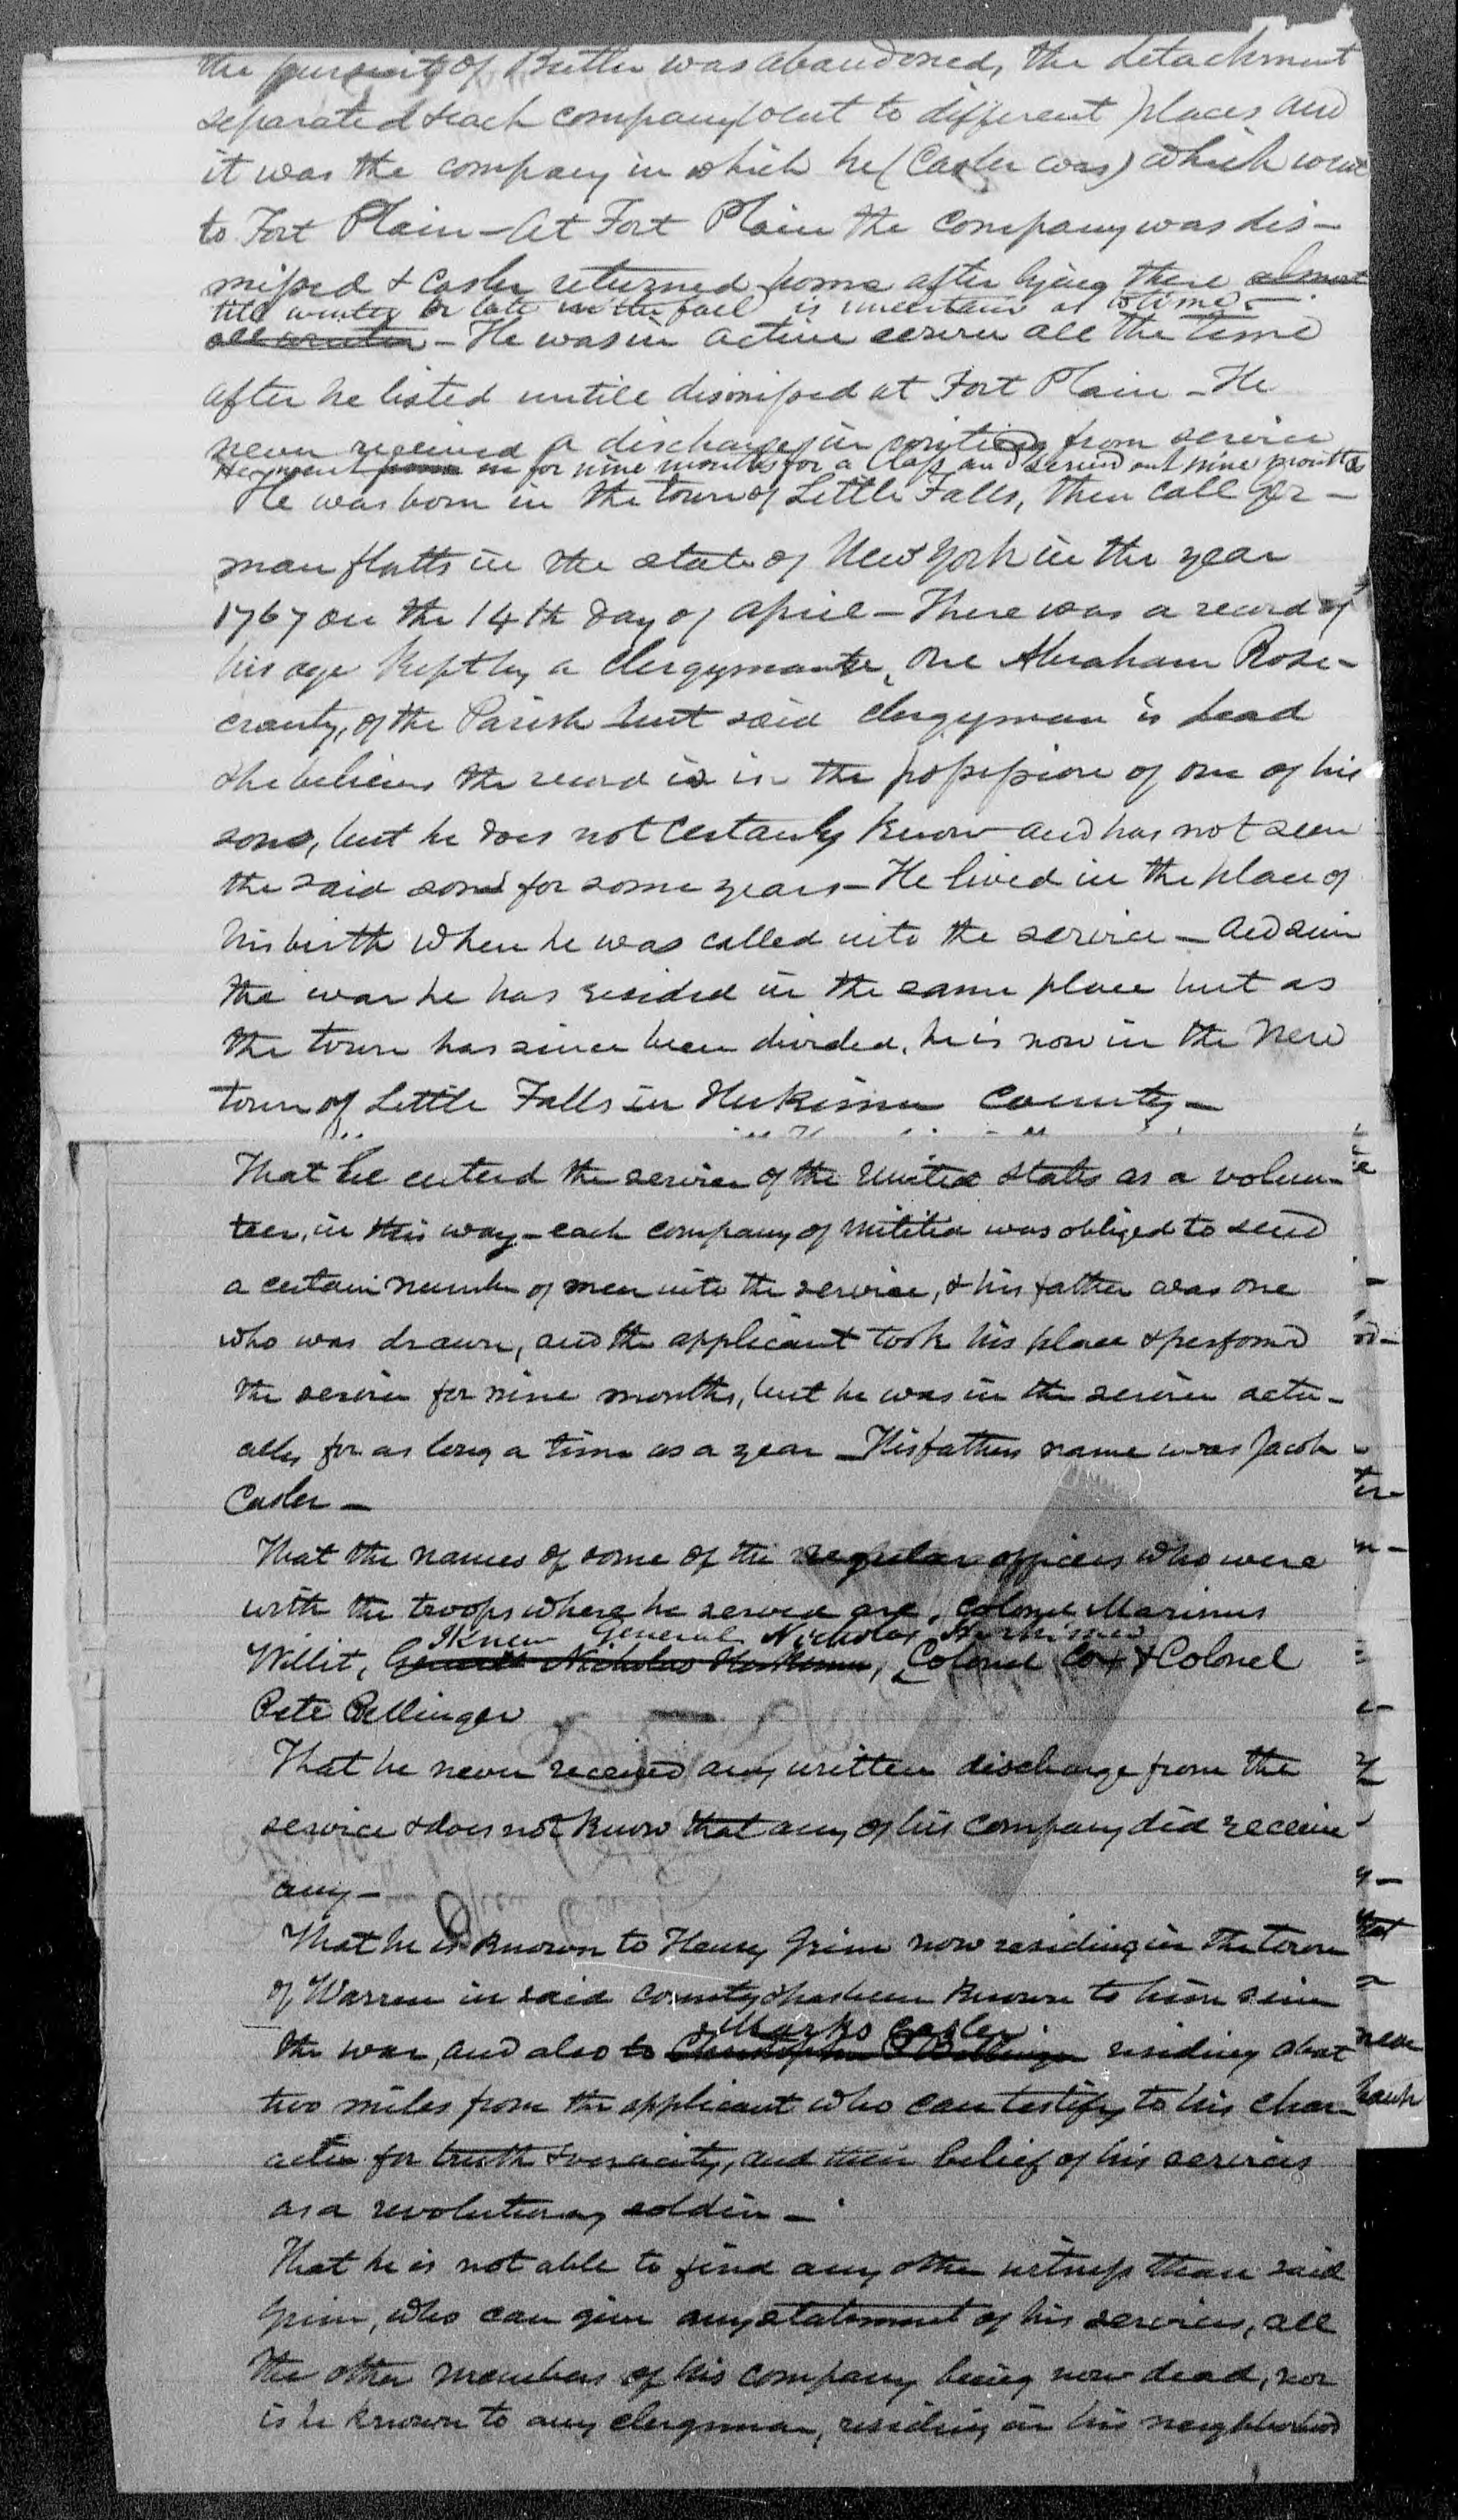the pursuit of Butler was abandoned, the detachment separated & each company went to different places and it was the company in which he (Casler was) which went to Fort Plain - At Fort Plain the company was dismissed & Casler returned home after lying the till winter or late in the fall is uncertain as to time - He was in active service all the time after listed untill dismissed at Fort Plain - He never received a discharge in writing from service He went in for nine months for a class and served out nine months He was born in the town of Little Falls, the call German flatts in the State of New York in the year 1767 on the 14th day of April - There was a record of his age kept by a clergyman, one Abraham Rosecrantz, of the Parish - but said clergyman is dead & he believes the record is in the possession of one of his sons, but he does not certainly know - and has not seen the said son for some years - He lived in the place of his birth when he was called into the service - and since the war he has resided in the same place but as the town has since been divided, he is now in the New town of Little Falls in Herkimer County – That he entered the service of the United States as a volunteer, in this way - each company of Militia was obliged to send a certain number of men into the service, & his father was one who was drawn, and the applicant took his place & performed the service for nine months, but he was in the service actually for as long a time as a year - His fathers name was Jacob Casler – That the names of some of the regular offices who were with the troops where he served are Colonel Marinus Willit, I knew General Nicholas Herkimer, Colonel Cox & Colonel Peter Bellinger 
That he never received any written discharge from the service & does not know that any of his company did receive any –
That he is known to Henry Grim now residing in the town of Warren in said County & has been known to him since the war, and also to Marks Casler residing about two miles from the applicant who can testify to his character for truth & veracity, and their belief of his services and revolutionary soldier -.
That he is not able to find any other witness than said Grim, who can give any statement of his services, all the other members of his company being now dead, nor is he known to any clergiman, residing in his neighborhood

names: Cox, Jacob Casler, Marks Casler, Pete Bellinger, Henry Grim, Casler, Casler, Butler, Nicholas Hurkmer, Abraham Rosecrantz, Marinus Willit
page: 7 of 66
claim: widow's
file: W. 6637, Richard Caslar, New York